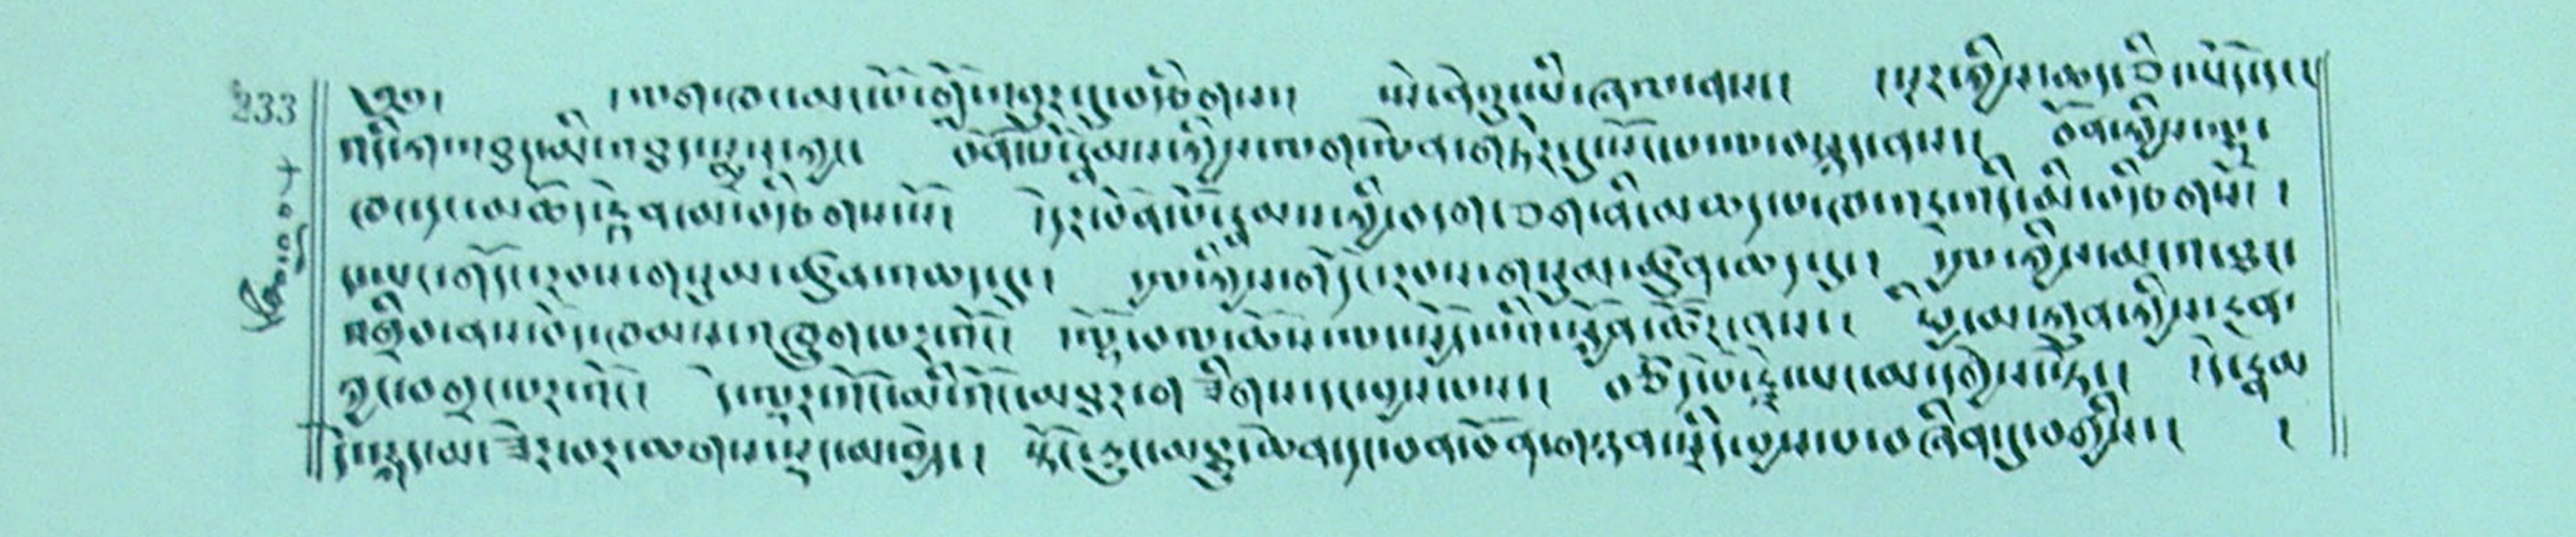༄༅། །ལག་ཁང་མང་པོ་གློ་བུར་དུ་བརྩིགས་སོ། །སྤེ་ནེའུ་ཡི་ཞལ་ནས། སྔར་གྱི་ཆད་ཅི་ཡོད་དང་། 
འདི་ཀ་འཐད་མི་འཐད་སྨྲས་ཀྱང་། བོན་པོ་རྣམས་ཀྱིས་ལག་ལེན་གཏེར་དུ་སོང་བ་ལ་བསྙད་ནས། བོན་གྱི་ལྷ་
ཁང་དང་མཆོད་རྟེན་མ་བརྩིགས་སོ། །དེར་བོན་པོ་རྣམས་ཀྱི་བདག་ཅག་ནི་མཆད་པ་ཁ་འདྲ་འདི་མི་བརྩིགས་སོ། 
།ད་ཡང་གདོང་རབས་གསུམ་ཚུན་འཆད་དུ། རྒྱལ་གྱི་མངའ་ཐང་
འགྲིབ་ནས་བོད་ཁམས་འཁྲུག་པར་འོང་། ལྷོ་བལ་ཆོས་ལ་སྤྱོད་པའི་སྐྱོན་ཚོར་ནས། ཕྱི་མ་ཀུན་ཀྱི་རྔན་
ཀྱང་བགྲང་བར་འོང་། དེ་ལྟར་འོང་མི་འོང་མཐར་གཟིགས་དང་བྱས་པས། བཙད་པོ་རྗེ་ཡང་མ་དགྱེས་ཏེ། དེ་རྣམས་
དེ་སྐད་མ་ཟེར་ཆགས་སྡང་མ་བྱེད། སྟོང་རྒྱུང་མཐུ་ཆེན་དང་བན་བོན་གཉན་སྲིད་བྱས་པ་བཞིན་དུ་བགྱིས།